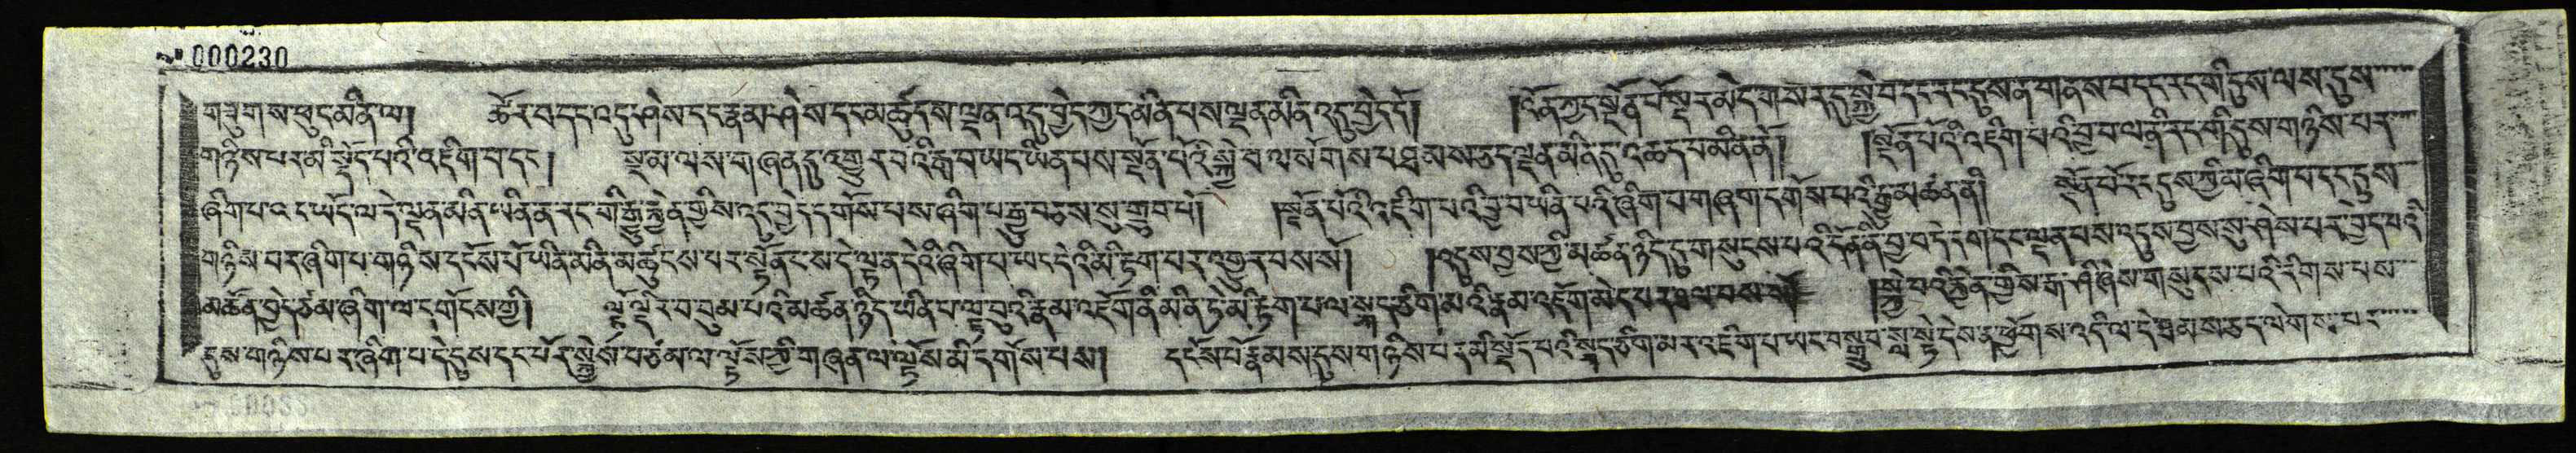གཟུགས་ཕུང་མིན་ལ། ཚོར་བ་དང་འདུ་ཤེས་དང་རྣམ་ཤེས་དང་མཚུངས་ལྡན་འདུ་བྱེད་ཀྱང་མིན་པས་ལྡན་མིན་འདུ་བྱེད་དོ། །འོན་ཀྱང་སྔོན་པོ་སྔར་མེད་གསར་དུ་སྐྱེ་བ་དང་རང་དུས་ན་གནས་པ་དང་རང་གི་དུས་ལས་དུས་
གཉིས་པར་མི་སྡོད་པའི་འཇིག་པ་དང་། སྔ་མ་ལས་གཞན་དུ་འགྱུར་བའི་རྒ་བ་ཡང་ཡིན་པས་སྔོན་པོའི་སྐྱེ་བ་ལ་སོགས་པ་ཐམས་ཅད་ལྡན་མིན་དུ་འཆད་པ་མིན་ནོ། །སྔོན་པོའི་འཇིག་པའི་བྱ་བ་ལ་ནི་རང་གི་དུས་གཉིས་པར་
ཞིག་པ་འང་ཡོད་ལ་དེ་ལྡན་མིན་ཡིན་ན་རང་གི་རྒྱུ་རྐྱེན་གྱིས་འདུ་བྱེད་དགོས་པས་ཞིག་པ་རྒྱུ་བཅས་སུ་གྲུབ་པོ། །སྔོན་པོའི་འཇིག་པའི་བྱ་བ་ཡིན་པའི་ཞིག་པ་གཞག་དགོས་པའི་རྒྱུ་མཚན་ནི། སྔོན་པོ་རང་དུས་ཀྱི་མ་ཞིག་པ་དང་དུས་
གཉིས་པར་ཞིག་པ་གཉིས་དངོས་པོ་ཡིན་མིན་མཚུངས་པར་སྟོན་པས་དེ་ལྟ་ན་དེའི་ཞིག་པ་ཡང་དེའི་མི་རྟག་པར་འགྱུར་པས་སོ། །འདུས་བྱས་ཀྱི་མཚན་ཉིད་དུ་གསུངས་པའི་དོན་ནི་བྱ་བ་དེ་དག་དང་ལྡན་པས་འདུས་བྱས་སུ་ཤེས་པར་བྱེད་པའི་
མཚོན་བྱེད་ཙམ་ཞིག་ལ་དགོངས་གྱི། ལྟོ་ལྡིར་བ་བུམ་པའི་མཚན་ཉིད་ཡིན་པ་ལྟ་བུའི་རྣམ་འཇོག་ནི་མིན་ཏེ་མི་རྟག་པ་ལ་སྐད་ཅིག་མའི་རྣམ་འཇོག་མེད་པར་ཐལ་བས་སོ། །སྐྱེ་བའི་རྐྱེན་གྱིས་རྒ་ཤི་ཞེས་གསུངས་པའི་རིགས་པས་
དུས་གཉིས་པར་ཞིག་པ་དེ་དུས་དང་པོར་སྐྱེས་པ་ཙམ་ལ་ལྟོས་ཀྱི་གཞན་ལ་ལྟོས་མི་དགོས་པས། དངོས་པོ་རྣམས་དུས་གཉིས་པར་མི་སྡོད་པའི་སྐད་ཅིག་མར་འཇིག་པ་ཡང་བསྒྲུབ་སླ་སྟེ་དེས་ན་ཕྱོགས་འདི་ལ་དེ་ཐམས་ཅད་ལེགས་པར་